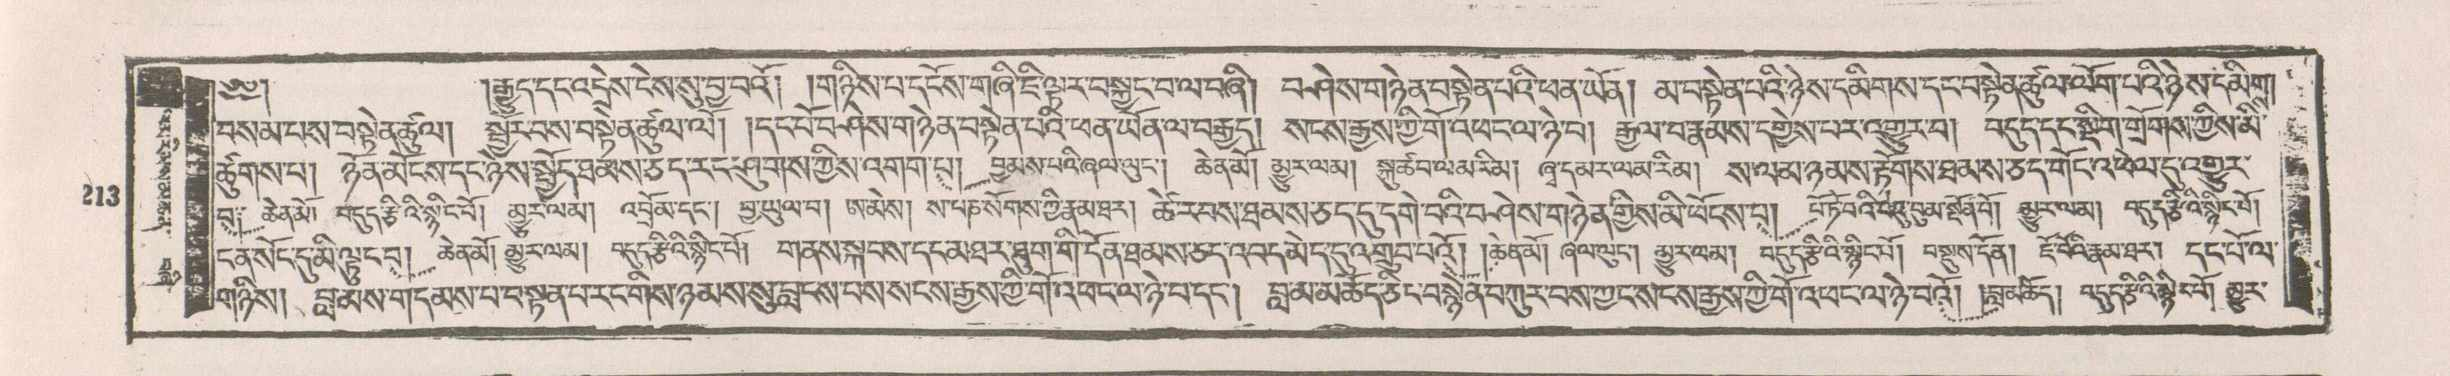༄༅། །རྒྱུད་དང་འདྲེས་ངེས་སུ་བྱ་བའོ། །གཉིས་པ་དངོས་གཞི་ཇི་ལྟར་བསྐྱང་བ་ལ་བཞི། བཤེས་གཉེན་བསྟེན་པའི་ཕན་ཡོན། མ་བསྟེན་པའི་ཉེས་དམིགས་དང་བསྟེན་ཚུལ་ལོག་པའི་ཉེས་དམིགས་
བསམ་པས་བསྟེན་ཚུལ། སྦྱོར་བས་བསྟེན་ཚུལ་ལོ། །དང་པོ་བཤེས་གཉེན་བསྟེན་པའི་ཕན་ཡོན་ལ་བརྒྱད། སངས་རྒྱས་ཀྱི་གོ་འཕང་ལ་ཉེ་བ། རྒྱལ་བ་རྣམས་དགྱེས་པར་འགྱུར་བ། བདུད་དང་སྡིག་གྲོགས་ཀྱིས་མི་
ཚུགས་པ། ཉོན་མོངས་དང་ཉེས་སྤྱོད་ཐམས་ཅད་རང་ཤུགས་ཀྱིས་འགག་པ། བྱམས་པའི་ཞལ་ལུང་། ཆེན་མོ། མྱུར་ལམ། སྐུ་ཚབ་ལམ་རིམ། ཞྭ་དམར་ལམ་རིམ།  ས་ལམ་ཉམས་རྟོགས་ཐམས་ཅད་གོང་འཕེལ་དུ་འགྱུར་
བ༑ ཆེན་མོ། བདུད་རྩིའི་སྙིང་པོ། མྱུར་ལམ། འབྲོམ་དང་། བྱ་ཡུལ་བ། ཨ་མེས། ས་པཎ་སོགས་ཀྱི་རྣམ་ཐར།  ཚེ་རབས་ཐམས་ཅད་དུ་དགེ་བའི་བཤེས་གཉེན་གྱིས་མི་འཕོངས་པ། པོ་ཏོ་བའི་བེའུ་བུམ་སྔོན་པོ། མྱུར་ལམ། བདུད་རྩིའི་སྙིང་པོ།
ངན་སོང་དུ་མི་ལྟུང་བ། ཆེན་མོ། མྱུར་ལམ། བདུད་རྩིའི་སྙིང་པོ།  གནས་སྐབས་དང་མཐར་ཐུག་གི་དོན་ཐམས་ཅད་འབད་མེད་དུ་འགྲུབ་པའོ། ། ཆེན་མོ། ཞལ་ལུང་། མྱུར་ལམ། བདུད་རྩིའི་སྙིང་པོ། བསྡུས་དོན། ཇོ་བོའི་རྣམ་ཐར།  དང་པོ་ལ་
གཉིས། བླ་མས་གདམས་པ་བསྟན་པ་རང་གིས་ཉམས་སུ་བླངས་པས་སངས་རྒྱས་ཀྱི་གོ་འཕང་ལ་ཉེ་བ་དང་། བླ་མ་མཆོད་ཅིང་བསྙེན་བཀུར་བས་ཀྱང་སངས་རྒྱས་ཀྱི་གོ་འཕང་ལ་ཉེ་བའོ། །བླ་མཆོད། བདུད་རྩིའི་སྙིང་པོ། མྱུར